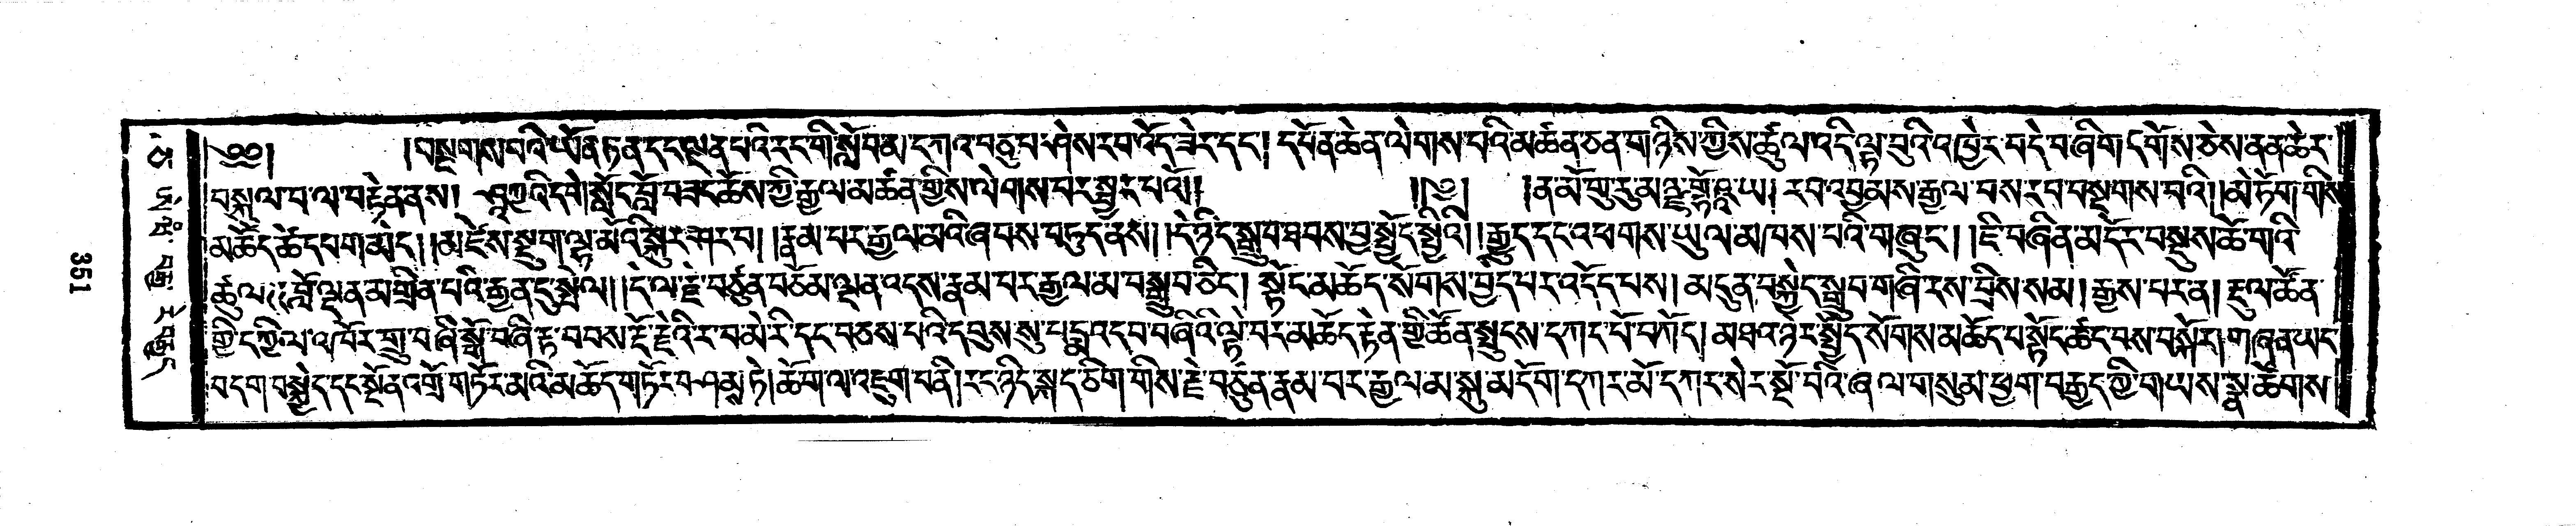༄༅། །ན་མོ་གུ་རུ་མཉྫུ་གྷོ་ཥཱ་ཡ། རབ་འབྱམས་རྒྱལ་བས་རབ་བསྔགས་པའི། །མེ་ཏོག་གིས་
མཆོད་ཚེ་དཔག་མེད། །མཛེས་སྡུག་ལྷ་མོའི་སྐུར་ཤར་བ། །རྣམ་པར་རྒྱལ་མའི་ཞབས་བཏུད་ནས། །དེ་ཉིད་སྒྲུབ་ཐབས་བྱ་སྤྱོད་སྤྱིའི། །རྒྱུད་དང་འཕགས་ཡུལ་མཁས་པའི་གཞུང་། །ཇི་བཞིན་མདོར་བསྡུས་ཆོ་གའི་
ཚུལ༑ ༑བློ་ལྡན་མགྲིན་པའི་རྒྱན་དུ་སྤེལ། །དེ་ལ་རྗེ་བཙུན་བཅོམ་ལྡན་འདས་རྣམ་པར་རྒྱལ་མ་བསྒྲུབ་ཅིང་། སྟོང་མཆོད་སོགས་བྱེད་པར་འདོད་པས། མདུན་བསྐྱེད་སྒྲུབ་གཞི་རས་བྲིས་སམ། རྒྱས་པར་ན། རྡུལ་ཚོན་
གྱི་དཀྱིལ་འཁོར་གྲུ་བཞི་སྒོ་བཞི་རྟ་བབས་རྡོ་རྗེའི་ར་བ་མེ་རི་དང་བཅས་པའི་དབུས་སུ་པདམ་འདབ་བཞིའི་ལྟེ་བར་མཆོད་རྟེན་གྱི་ཚོན་སྤུངས་དཀར་པོ་བཀོད། མཐའ་ཉེར་སྤྱོད་སོགས་མཆོད་བསྟོང་ཚར་བས་བསྐོར། གཞན་ཡང་
བདག་བསྐྱེད་དང་སྔོན་འགྲོ་གཏོར་མའི་མཆོད་གཏོར་བཤམས་ཏེ། ཆོ་ག་ལ་འཇུག་པ་ནི། རང་ཉིད་སྐད་ཅིག་གིས་རྗེ་བཙུན་རྣམ་པར་རྒྱལ་མ་སྐུ་མདོག་དཀར་མོ་དཀར་སེར་སྔོ་བའི་ཞལ་གསུམ་ཕྱག་བརྒྱད་ཀྱི་གཡས་སྣ་ཚོགས་